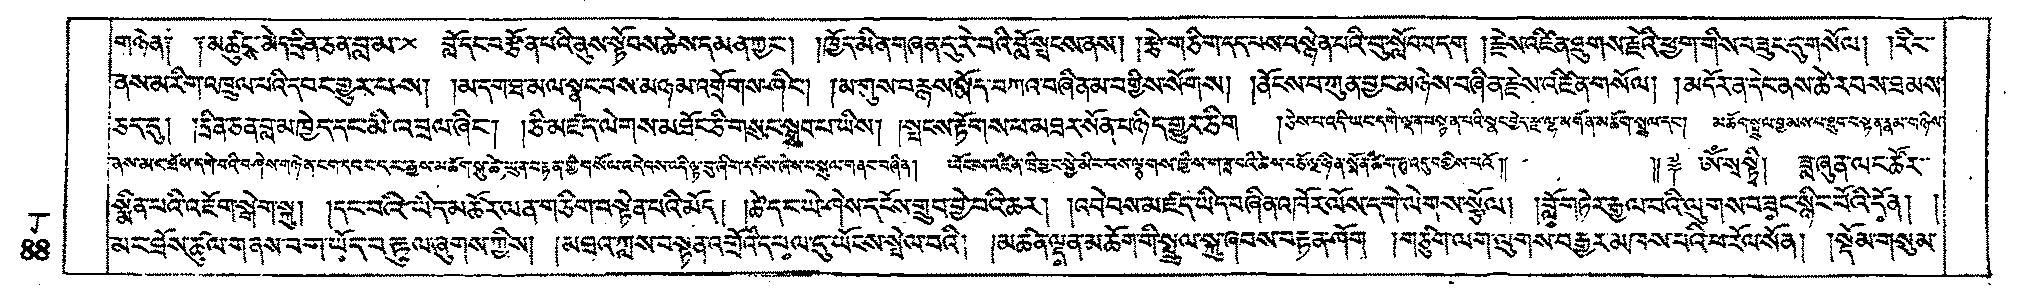གཉེན༑ ༑མཚུངས་མེད་དྲིན་ཅན་བླ་མ་྾་ལོ་དང་རྩོན་པའི་ནུས་སྟོབས་ཆེས་དམན་ཀྱང་། །ཁྱོད་མིན་གཞན་དུ་རེ་བའི་བློ་སྤངས་ནས། །རྩེ་གཅིག་དད་པས་བསྙེན་པའི་བུ་སློབ་བདག། །རྗེ་འཛིན་ཐུགས་རྗེའི་ཕྱག་གིས་བཟུང་དུ་གསོལ། །རིང་་་
ནས་མ་རིག་འཁྲུལ་པའི་དབང་གྱུར་པས། །མ་དག་ཐ་མལ་སྣང་བས་མཉམ་འགྲོགས་ཤིང་། །མ་གུས་བརྙས་སྨོད་བཀའ་བཞིན་མ་བགྱིས་སོགས། །ནོངས་པ་ཀུན་བྱང་མ་ཉེས་བཞིང་འཛིན་གསོལ། །མདོར་ན་དེང་ནས་ཚེ་རབས་ཐམས་
ཅད་དུ། །དྲིན་ཅན་བླ་མ་ཁྱེད་དང་མི་འབྲལ་ཞིང་། །ཅི་མཛད་ལེགས་མཐོང་ཅི་གསུང་སྒྲུབ་པ་ཡིས། །སྤངས་རྟོགས་ཕ་མཐར་སོན་པ་ཉིད་གྱུར་ཅིག་ཅེས་པ་འདི་ཡང་དགེ་ལྡན་བསྟན་པའི་སྣང་བྱེད་རྫ་ལྷ་མགོན་མཆོག་སྤྲུལ་དང་། །མཆོག་སྤྲུལ་བྱམས་པ་ཐུབ་བསྟན་རྣམ་གཉིས་
ནས་མང་ཐོས་དགེ་བའི་བཤེས་གཉེན་ངག་དབང་དར་རྒྱས་མཆོག་སྐུ་ཚེ་ཡུན་བརྟན་གྱི་གསོལ་འདེབས་འདི་ལྟ་བུ་ཞིག་དགོས་ཞེས་བསྐུལ་གནང་བཞིན། །ཡོངས་འཛིན་ཁྲི་བྱང་སྐྱེ་མིང་བས་ལྕགས་ཁྱི་ས་ག་ཟླ་བའི་ཚེས་བཅོ་ལྔའི་ཉིན་སྨོན་ཚིགས་འདུ་བགྱིས་པའོ།། །། འ་ཨོཾ་སྭསྟྭི། ཟླ་ཞུན་ལང་ཚོར་་་
སྨིན་པའི་འཇོག་སྒེགས་སྐུ། །དང་བའི་ཡིད་མཚོར་ལན་གཅིག་བསྟེན་པའི་མོད། །ཚེ་དང་ཡེ་ཤེས་དངོས་གྲུབ་བྱེ་བར་ཆར། །འབེབས་མཛད་ཡིད་བཞིན་འཁོར་ལོས་དགེ་ལེགས་སྩོལ། །བློ྾་གཏེར་རྒྱ་བའི་ལུགས་བཟང྾་སྙིང་པོའི་དོན། །
མང་ཐོས་ཚུལ་གནས་བག་ཡོད྾་བརྟུལ་ཞུགས་ཀྱིས། །མཐ་ཀླས་བསྟན་འགྲོའི་དཔལ྾་དུ་ཡོངས་སྤེལ་བའོ། མཚན་ལྡན་མཆོག་གི་སྤྲུལ་སུ་ཞབས་བརྟན་ཤོག །གཙུག་ལ་ལུགས་བརྒྱར་མཁས་པའི་ཕ་རོལ་སོན། །སྡོམ་གསུམ་